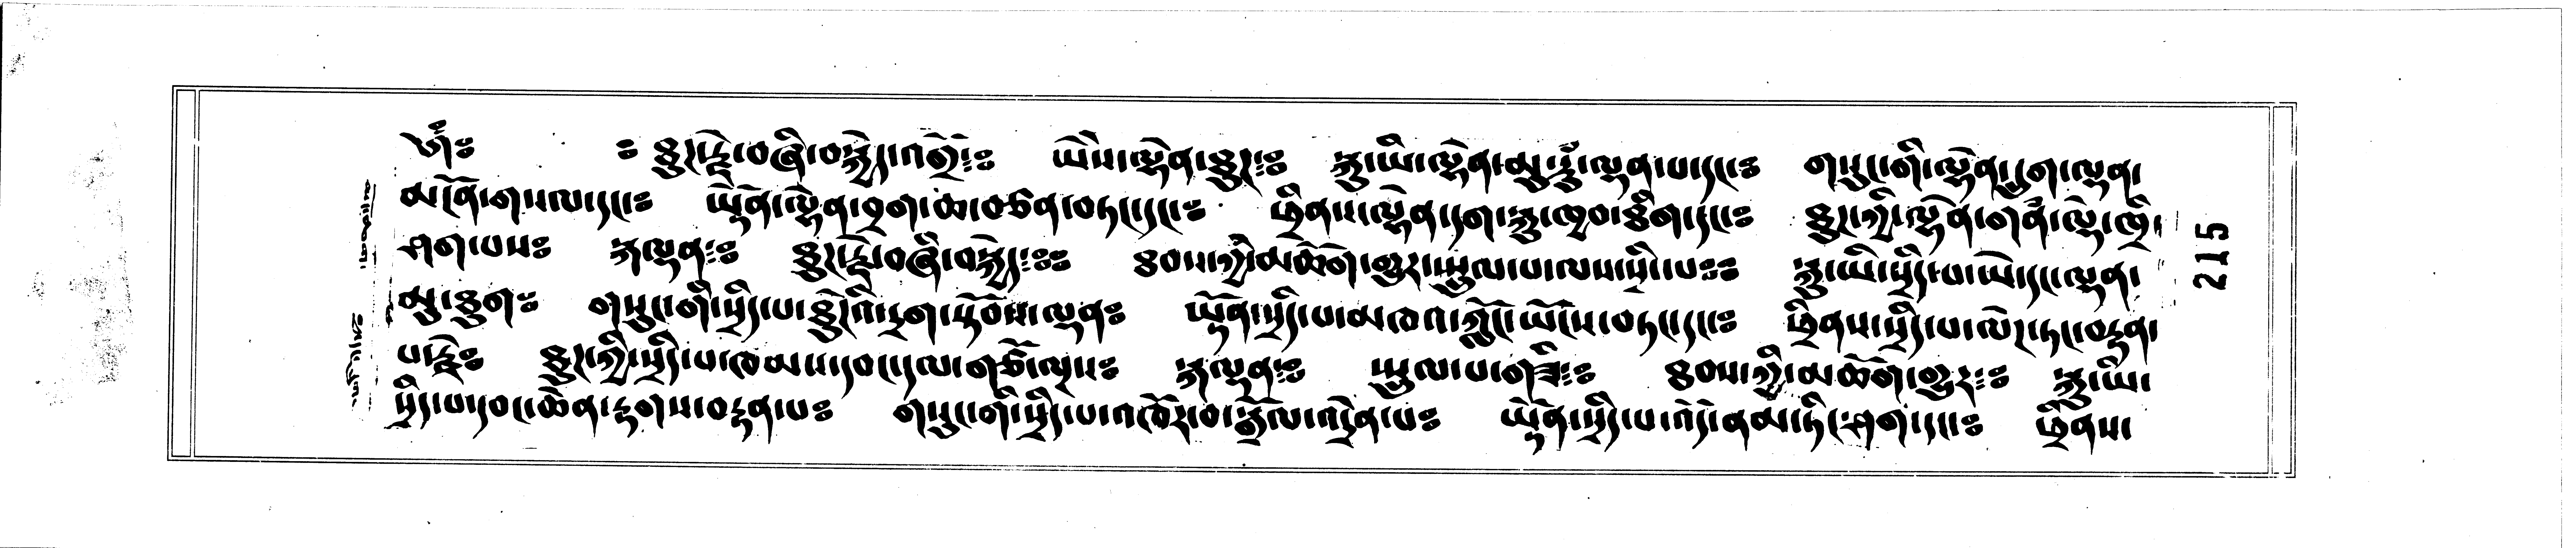ཐུགས་རྗེ་གཟི་བརྗིད་འགྲོ་འདྲེན་དབང་ཐོབ་ཤོགཿ ཡེ་ཤེས་ལྷ་ཆེན་ཐུགས་རྗེ་ལས་བསྐྱེད་པའིཿ སྐུ་ཡི་ལྷ་ཆེན་མུ་རུམ་ལྡན་པ་དངཿ གསུང་གི་ལྷ་ཆེན་དྲུག་ལྡན་
མངོན་གསལ་དངཿ ཡོན་ཏན་ལྷ་ཆེན་བྲག་ཆ་བཙན་བཏང་དངཿ ཕྲིན་ལས་ལྷ་ཆེན་དག་སྐུ་ཁྱབ་ཐིག་དངཿ ཐུགས་ཀྱི་ལྷ་ཆེན་གནམ་སྡེ་ཁྲི་
ཤག་པསཿ སྐལ་ལྡན་སློབ་མ་རྣམས་ལ་དབང་བསྐུར་བསཿ ཐུགས་རྗེ་གཟི་བརྗིད་འགྲོ་འདྲེན་དབང་ཐོབ་ཤོགཿ ཐབས་ཀྱི་མཆོག་གྱུར་སྤྲུལ་པ་ལས་སྲིད་པའིཿ སྐུ་ཡི་སྲིད་པ་ཡེ་དང་ལྡན་
མུ་ཐུག་དངཿ གསུང་གི་སྲིད་པ་ཐུགས་རྗེ་དྲག་སྟོབས་ལྡན་དངཿ ཡོན་ཏན་སྲིད་པ་མཁའ་ཀློང་ཡངས་བཏང་དངཿ ཕྲིན་ལས་སྲིད་པ་ལེགས་ཏང་བརྟེན་
པ་རྗེཿ ཐུགས་ཀྱི་སྲིད་པ་ཁོམ་དབང་དལ་གཙོ་ལྔསཿ སྐལ་ལྡན་སློབ་མ་རྣམས་ལ་དབང་བསྐུར་བསཿ ཐུགས་རྗེ་གཟི་བརྗིད་འགྲོ་འདྲེན་དབང་ཐོབ་ཤོགཿ ཐབས་ཀྱི་མཆོག་གྱུར་སྤྲུལ་པ་ལས་སྲིད་པའིཿ སྐུ་ཡི་
སྲིད་པ་དབང་ཆེན་རྟག་བརྟེན་པཿ གསུང་གི་སྲིད་པ་འཁོར་བ་སྒྲོལ་འདྲེན་པཿ ཡོན་ཏན་སྲིད་པ་འོད་ནམ་ཏིང་ཤག་དངཿ ཕྲིན་ལས་